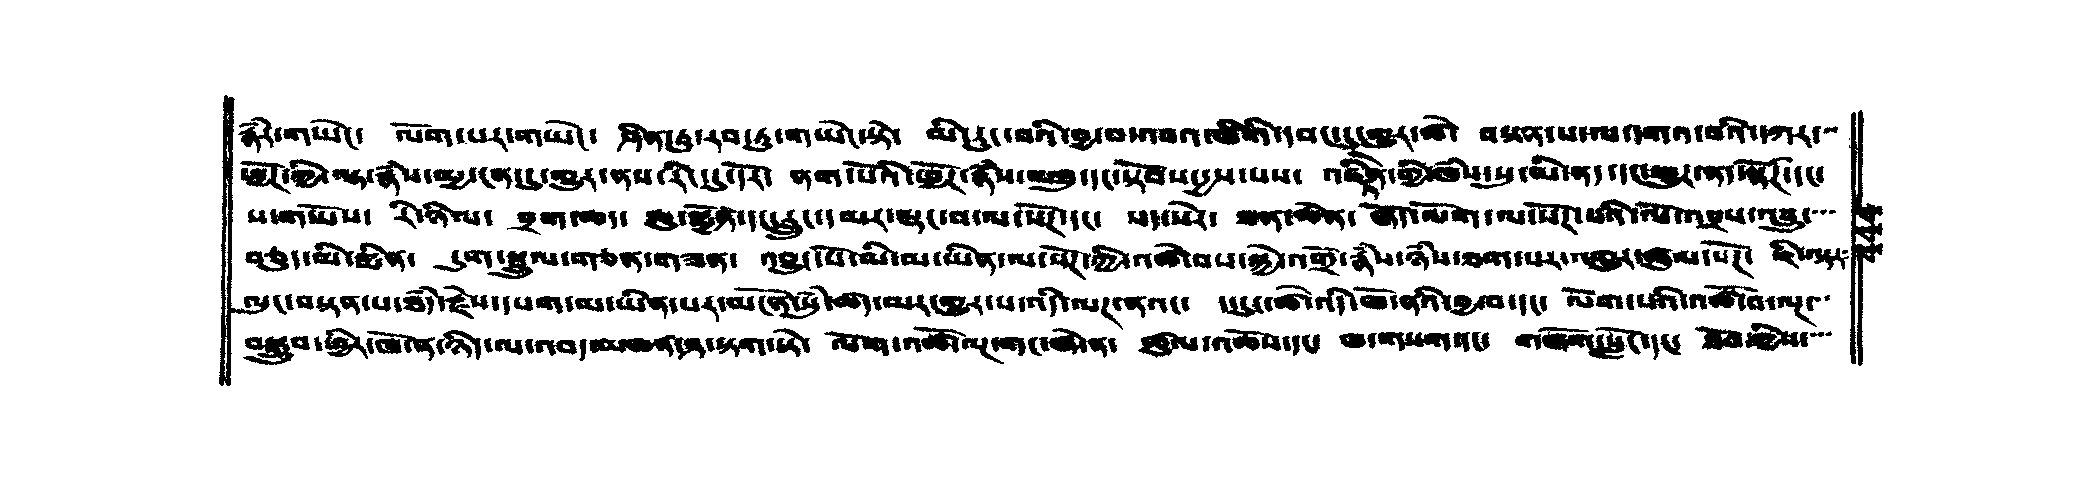རྣམ་པར་གཡེང་། ལོག་པར་གཡེང་། ཤིན་ཏུ་རབ་ཏུ་གཡེང་སྟེ། མི་རུང་བའི་བྱ་བ་འབའ་ཞིག་གི་དབང་དུ་གྱུར་ཚེ། བསྟན་པ་ལ་དགའ་བའི་དཀར་
ཕྱོགས་ཀྱི་ལྷ་རྣམས་མྱ་ངན་དུ་གྱུར་ནས་རིང་དུ་དོར། ནག་པོའི་ཕྱོགས་རྣམས་མཐུ་དང་སྟོབས་རྒྱས་པས། འཇིག་རྟེན་གྱི་ཁམས་སུ་མི་ནད་དང་ཕྱུགས་ནད་སྣ་ཚོགས་དང་། 
ས་གཡོས། རི་ཉིལ། བྲག་ཆད། ཆུ་སྨྱོན་དང་རླུང་དམར་ལྡང་བ་ལ་སོགས་དང་། སད་སེར། ཐན་ཆེན། ཞོད་ལོག་ལ་སོགས་པས་ལོ་འབྲས་འབྲུ་
བཅུད་མི་སྨིན། དུག་སྦྲུལ་གཅན་གཟན། འབྱུང་པོ་མི་མ་ཡིན་ལ་སོགས་ཀྱི་འཚེ་བས་སྐྱེ་འགྲོ་རྣམས་ཉམས་ཐག་པར་འགྱུར་ཚུལ་སོགས ཇི་ལྟར་
ལུང་བསྟན་པ་ཐམས་ཅད་རྗེས་དཔག་མ་ཡིན་པར་མངོན་སུམ་ཚད་མར་གྱུར་པ་འདི་ལགས་ནའང་།ད་དུང་ཚེ་འདི་ཁོ་ནའི་བྱ་བ་དང་། ལོག་པའི་འཚོ་བ་ལྔ་
བསྒྲུབ་ཕྱིར་ཁོ་ན་ཉིད་ལ་འབད་མཁན་ཤ་སྟག་སྟེ། ལོག་འཚོ་ལྔ་གང་ཞེ་ན། ཚུལ་འཆོས་དང་། ཁ་གསག་དང་། གཞོགས་སློང་དང་། ཐོབ་ཀྱིས་